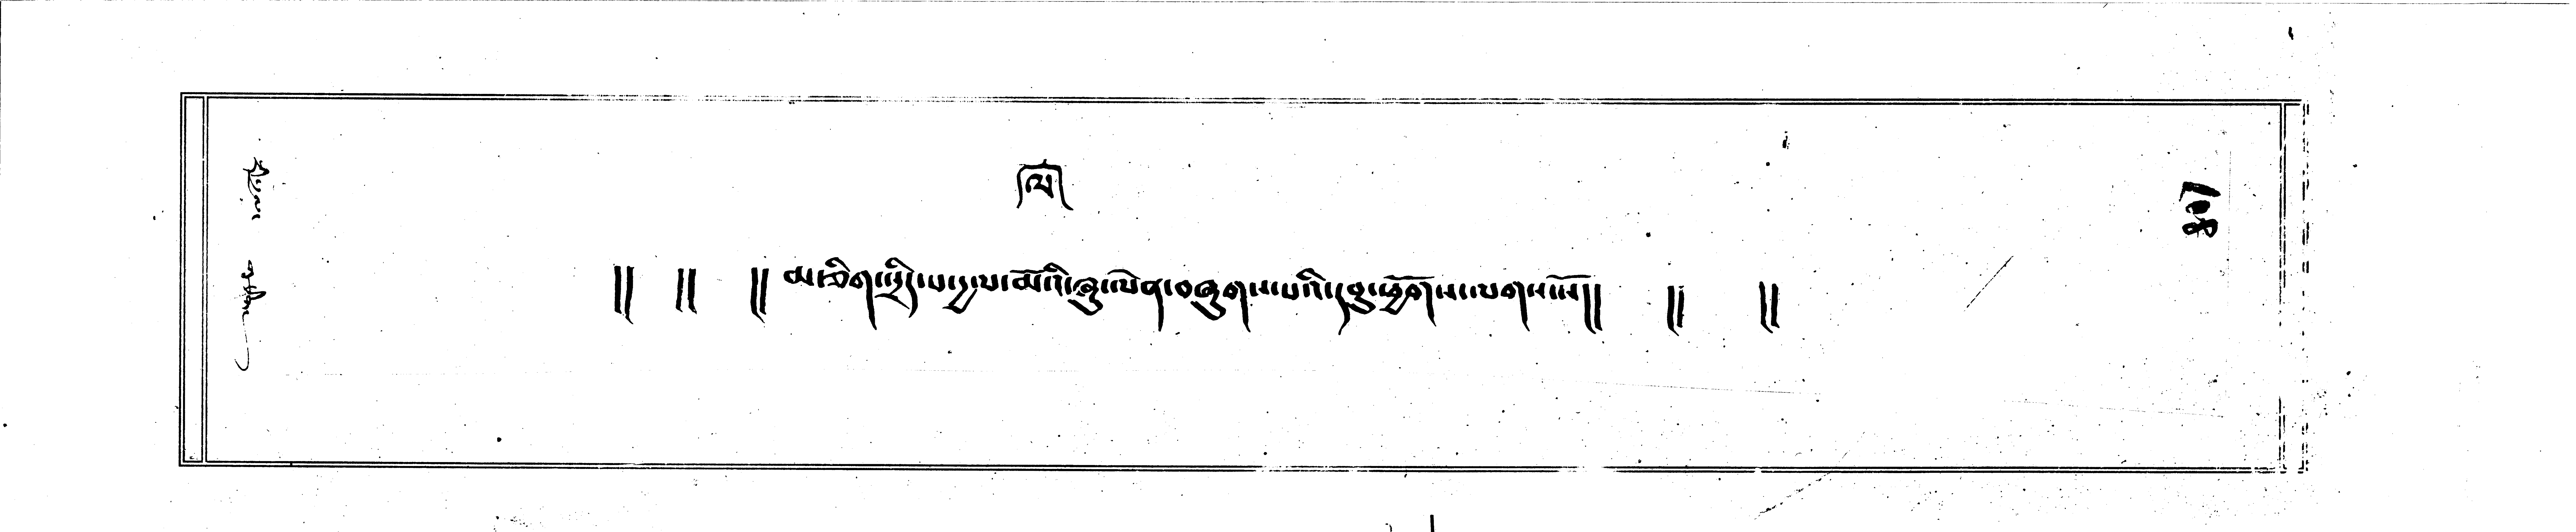།།མ་ཅིག་སྲིད་པ་རྒྱལ་མོའི་ཞུ་ལེན་བཞུགས་པའི་དབུ་ཕྱོགས་ལགས་སོ།། །།